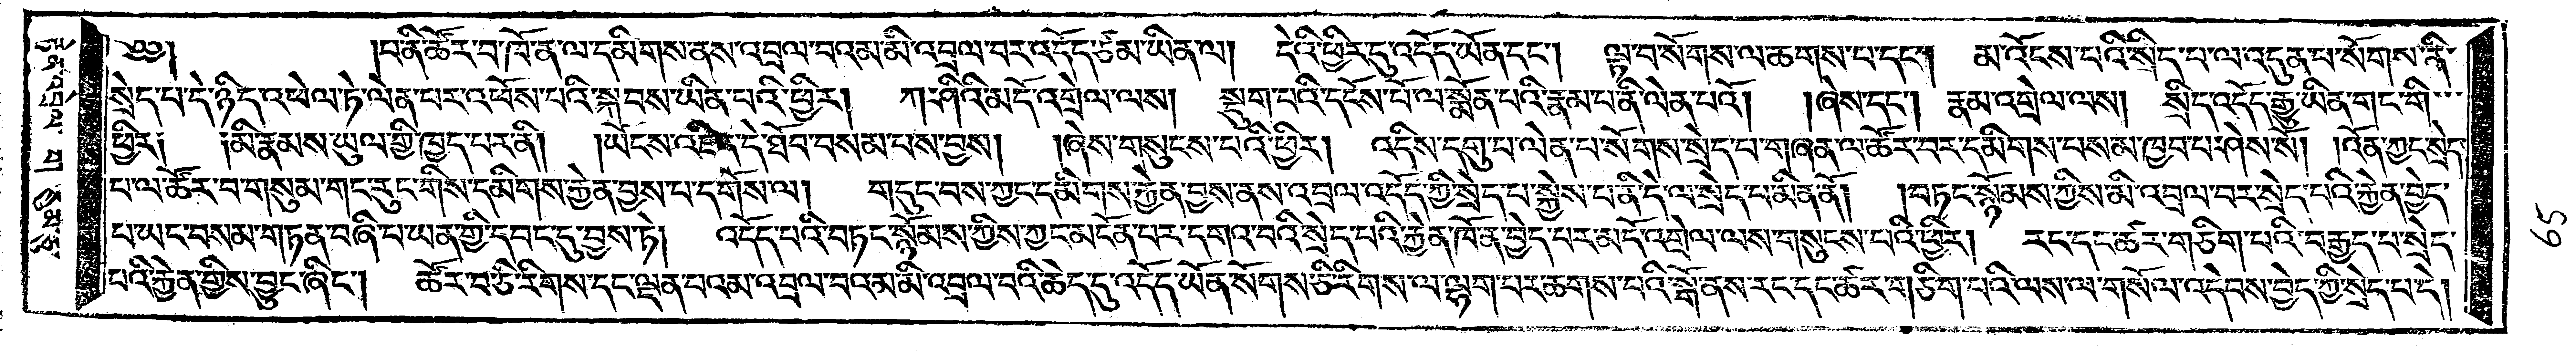༄༅། །བ་ནི་ཚོར་བ་ཁོ་ན་ལ་དམིགས་ནས་འབྲལ་བའམ་མི་འབྲལ་བར་འདོད་ཙམ་ཡིན་ལ། དེའི་ཕྱིར་དུ་འདོད་ཡོན་དང་། ལྟ་བསོགས་ཆགས་པ་དང་། མ་འོངས་པའི་སྲིད་པ་ལ་འདུན་པ་སོགས་ནི་
སྲེང་པ་དེ་ཉིད་འཕེལ་ཏེ་ལེན་པར་འཕོས་བའི་སྐབས་ཡིན་བའི་ཕྱིར། ཀ་ཤིའི་མདོ་འགྲེལ་ལས། སྡུག་བའི་དངོས་པོ་ལ་སྨིན་པའི་རྣམ་པ་ནི་ལེན་པའོ། །ཞེས་དང་། རྣམ་འགྲེལ་ལས། སྲིད་འདོད་རྒྱུ་ཡིན་གང་གི་
ཕྱིར། །མི་རྣམས་ཡུལ་གྱི་ཁྱད་པར་ནི། །ཡོངས་འཛིན་དེ་ཐོབ་བསམ་པས་བྱས། །ཞེས་གསུངས་པའི་ཕྱིར། འདིས་དགུ་པ་ལེན་པ་སོགས་སྲེད་པ་གཞན་ལ་ཚོར་བར་དམིགས་པས་མ་ཁྱབ་པ་ཤེས་སོ། །འོན་ཀྱང་སྲེད་
པ་ལ་ཚོར་བ་གསུམ་གང་རུང་གིས་དམིགས་རྐྱེན་བྱས་པ་དགོས་ལ། གདུང་བས་ཀྱང་དམིགས་རྐྱེན་བྱས་ནས་འབྲལ་འདོད་ཀྱི་སྲེད་པ་སྐྱེས་པ་ནི་དེ་ལ་སྲེད་པ་མིན་ནོ། །བཏང་སྙོམས་ཀྱིས་མི་འབྲལ་བར་སྲེད་པའི་རྐྱེན་བྱེད་
པ་ཡང་བསམ་གཏན་བཞི་པ་ཡན་གྱི་དབང་དུ་བྱས་ཏི། འདོད་པའི་བཏང་སྙོམས་ཀྱིས་ཀྱང་མངོན་པར་དགའ་བའི་སྲེད་པའི་རྐྱེན་ཁོ་ན་བྱེད་པར་མདོ་འགྲེལ་ལས་གསུངས་པའི་ཕྱིར། རང་དང་ཚར་གཅིག་བའི་བརྒྱད་པ་སྲེད་
བའི་རྐྱེན་གྱིས་བྱུང་ཞིང་། ཚོར་བཅི་རིགས་དང་ལྡན་པའམ་འབྲལ་བའམ་མི་འབྲལ་བའི་ཆེད་དུ་འདོད་ཡོན་སོགས་ཅི་རིགས་ལ་ལྷག་པར་ཆགས་པའི་སྒོ་ནས་རང་དང་ཚར་གཅིག་པའི་ལས་ལ་གསོལ་འདེབས་བྱེད་ཀྱི་སྲེད་བདེ།